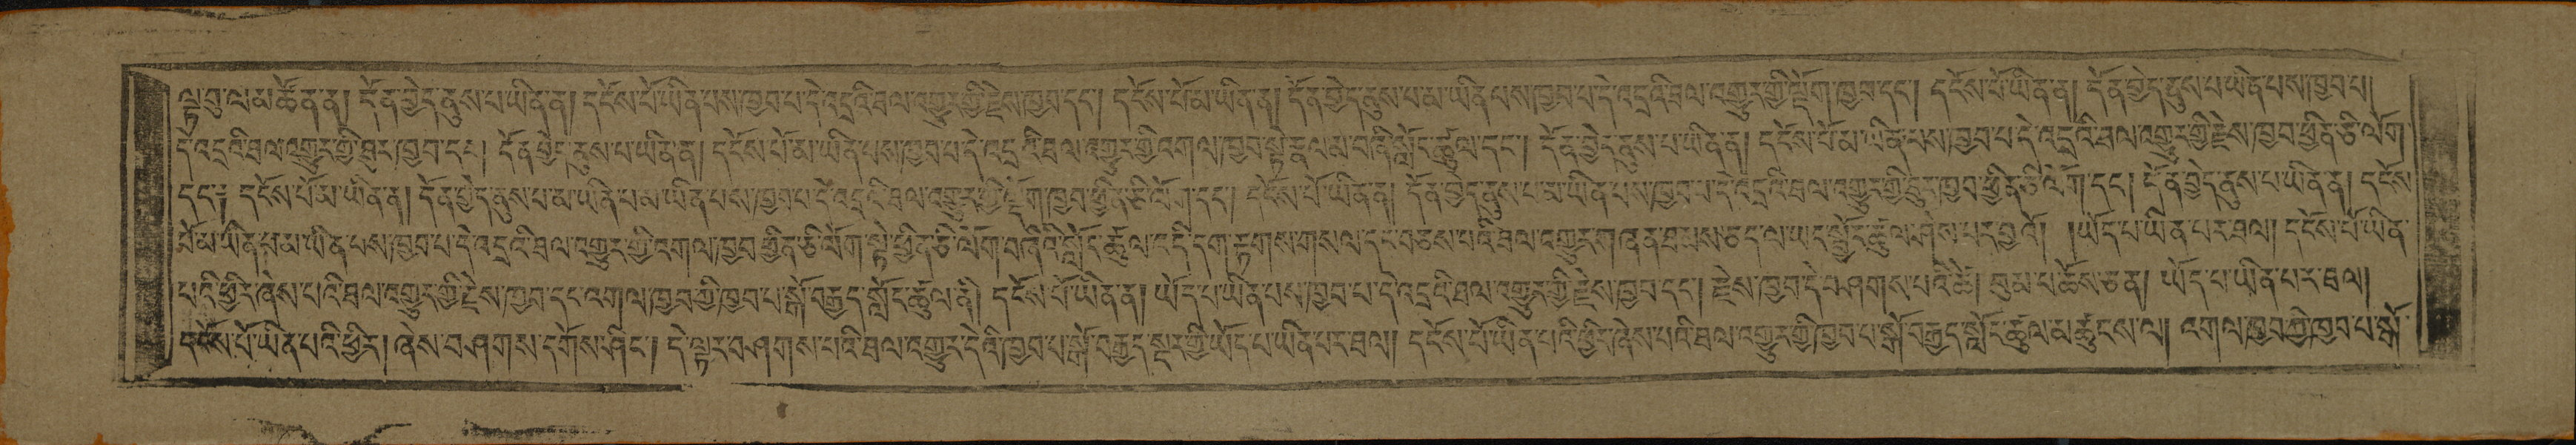ལྟ་བུ་ལ་མཚོན་ན། དོན་བྱེད་ནུས་པ་ཡིན་ན། དངོས་པོ་ཡིན་པས་ཁྱབ་པ་དེ་འདྲའི་ཐལ་འགྱུར་གྱི་རྗེས་ཁྱབ་དང་། དངོས་པོ་མ་ཡིན་ན། དོན་བྱེད་ནུས་པ་མ་ཡིན་པས་ཁྱབ་པ་དེ་འདྲའི་ཐལ་འགྱུར་གྱི་ལྡོག་ཁྱབ་དང་། དངོས་པོ་ཡིན་ན། དོན་བྱེད་ནུས་པ་ཡིན་པས་ཁྱབ་པ།
དེ་འདྲའི་ཐལ་འགྱུར་གྱི་ཐུར་ཁྱབ་དང་། དོན་བྱེད་ནུས་པ་ཡིན་ན། དངོས་པོ་མ་ཡིན་པས་ཁྱབ་པ་དེ་འདྲའི་ཐལ་འགྱུར་གྱི་འགལ་ཁྱབ་སྟེ་རྣལ་མ་བཞི་སློང་ཚུལ་དང་། དོན་བྱེད་ནུས་པ་ཡིན་ན། དངོས་པོ་མ་ཡིན་པས་ཁྱབ་པ་དེ་འདྲའི་ཐལ་འགྱུར་གྱི་རྗེས་ཁྱབ་ཕྱིན་ཅི་ལོག་
དང༑ དངོས་པོ་མ་ཡིན་ན། དོན་བྱེད་ནུས་པ་མ་ཡིན་པ་མ་ཡིན་པས་ཁྱབ་པ་དེ་འདྲའི་ཐལ་འགྱུར་གྱི་ལྡོག་ཁྱབ་ཕྱིན་ཅི་ལོག་དང་། དངོས་པོ་ཡིན་ན། དོན་བྱེད་ནུས་པ་མ་ཡིན་པས་ཁྱབ་པ་དེ་འདྲའི་ཐལ་འགྱུར་གྱི་ཐུར་ཁྱབ་ཕྱིན་ཅི་ལོག་དང་། དོན་བྱེད་ནུས་པ་ཡིན་ན། དངོས་
པོ་མ་ཡིན་པ་མ་ཡིན་པས་ཁྱབ་པ་དེ་འདྲའི་ཐལ་འགྱུར་གྱི་འགལ་ཁྱབ་ཕྱིན་ཅི་ལོག་སྟེ་ཕྱིན་ཅི་ལོག་བཞིའི་སློང་ཚུལ་འདི་དག་རྟགས་གསལ་དང་བཅས་པའི་ཐལ་འགྱུར་གཞན་ཐམས་ཅད་ལ་ཡང་སྦྱོར་ཚུལ་ཤེས་པར་བྱའོ། །ཡོད་པ་ཡིན་པར་ཐལ། དངོས་པོ་ཡིན་
པའི་ཕྱིར་ཞེས་པའི་ཐལ་འགྱུར་གྱི་རྗེས་ཁྱབ་དང་འགལ་ཁྱབ་ཀྱི་ཁྱབ་པ་སྒོ་བརྒྱད་སློང་ཚུལ་ནི། དངོས་པོ་ཡིན་ན། ཡོད་པ་ཡིན་པས་ཁྱབ་པ་དེ་འདྲའི་ཐལ་འགྱུར་གྱི་རྗེས་ཁྱབ་དང་། རྗེས་ཁྱབ་དེ་བཤགས་པའི་ཚེ། བུམ་པ་ཆོས་ཅན། ཡོད་པ་ཡིན་པར་ཐལ།
དངོས་པོ་ཡིན་པའི་ཕྱིར། ཞེས་བཤགས་དགོས་ཤིང་། དེ་ལྟར་བཤགས་པའི་ཐལ་འགྱུར་དེའི་ཁྱབ་པ་སྒོ་བརྒྱད་སྔར་གྱི་ཡོད་པ་ཡིན་པར་ཐལ། དངོས་པོ་ཡིན་པའི་ཕྱིར་ཞེས་པའི་ཐལ་འགྱུར་གྱི་ཁྱབ་པ་སྒོ་བརྒྱད་སློང་ཚུལ་མཚུངས་ལ། འགལ་ཁྱབ་ཀྱི་ཁྱབ་པ་སྒོ་